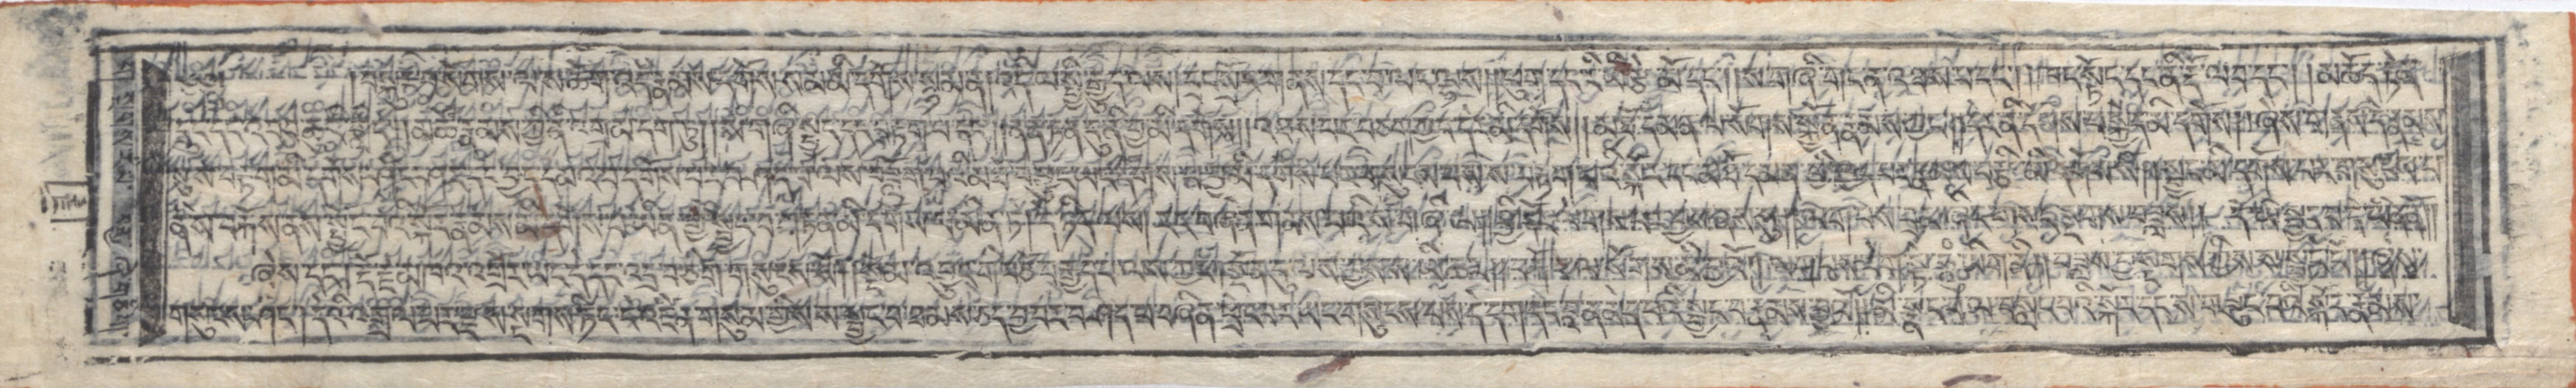༄༅། །བསྐུར་བ་སོགས་ལས་ཆོག་འདི་རྣམས་དགོས་སམ་མི་དགོས་སྙམ་ན། འདི་ལ་སྤྱི་རྒྱུད་ལས། དྲང་སྲོང་གནས་དང་བ་ལང་ལྷས། །ཕུག་དང་རི་ཡི་རྩེ་མོ་དང་། །ས་གཞི་གང་ན་འཐས་པ་དང་། །ཁང་སྟོང་དང་ནི་རྡོ་ལབ་དང་། །མཆོད་རྟེན་
དྲུང་དང་འབབ་ཆུའི་གླིང་། །མཚོ་རྣམས་ཀྱི་ནི་འགྲམ་དག་ཏུ། །ས་གཞི་སྦྱང་དང་བརྟག་པ་དང་། །ནན་ཏན་དུ་ནི་བྱ་མི་དགོས། །འཐས་པར་བཅག་ཀྱང་དེར་མི་དགོས། །མཐོ་དམན་ལ་སོགས་སྐྱོན་རྣམས་ཀྱང་། །དེར་ནི་དགོས་པ་སྐྱེད་མི་དགོས། །ཞེས་གནས་དེ་རྣམས་
སུ་ས་བརྟག་མི་དགོས་ཤིང་ཤར་དང་བྱང་དམའ་བ་དགོས་པར་བཤད་པ་ལས་བཟློག་པའི་མཐོ་བ་བྱུང་ཡང་དོགས་པ་བྱ་མི་དགོས་པར་གསུངས་པས་ས་བརྟག་པའི་སྐོར་དང་མཐོ་དམན་གྱི་ཁྱད་པར་རྣམས་བརྩི་མི་དགོས་སོ། །སྦྱང་མི་དགོས་པར་གསུངས་པ་
ནི་ས་བརྐོས་ནས་སྦྱོང་བའི་སྐོར་རྣམས་མི་དགོས་པ་ཡིན་གྱི་སྦྱང་བ་གཏན་མི་དགོས་པ་མིན་ཏེ། དེ་ཉིད་ལས། རང་བཞིན་གནས་པའི་ས་གཞི་ལ། །བྱི་དོར་ལེགས་པར་བྱས་ནས་སུ། །ལག་པས་བྲམ་ཞིང་གསང་སྔགས་བཟླས། །དེ་ཡི་སྦྱང་བ་དེ་ཡིན་ནོ།།
ཞེས་དང་། རྡོ་རྗེ་མཁའ་འགྲོར་ཡང་དེ་དང་འདྲ་བ་ཅིག་གསུངས་སོ། །སྡོམ་འབྱུང་གི་བཅོ་བརྒྱད་པ་ལས་ཀྱང་། སྔོན་དུ་ལས་བྱས་ས་ཡི་ཆར། །བརྐོ་བ་ལ་སོགས་མི་བྱའོ། །ལག་པས་རེག་སྟེ་ཧཱུཾ་ཡིག་ནི། །བཟླས་བྱ་སྔགས་ཀྱིས་ས་སྦྱང་ངོ། །ཞེས་
གསུངས་ཤིང་། དེའི་འགྲལ་པར་རྫས་སྔགས་ཏིང་ངེ་འཛིན་གསུམ་གྱིས་ས་སྦྱང་བ་ཐམས་ཅད་བྱ་བར་བཤད་པ་བཞིན་ཕྲེང་བར་ཡང་གསུངས་པས་དེ་དག་དང་བླ་ན་མེད་པའི་སྦྱང་བ་རྣམས་བྱའོ། །མི་སྣང་བ་ལ་བསླང་བའི་སྐོར་དང་ས་གཟུང་བའི་སྐོར་རྣམས་